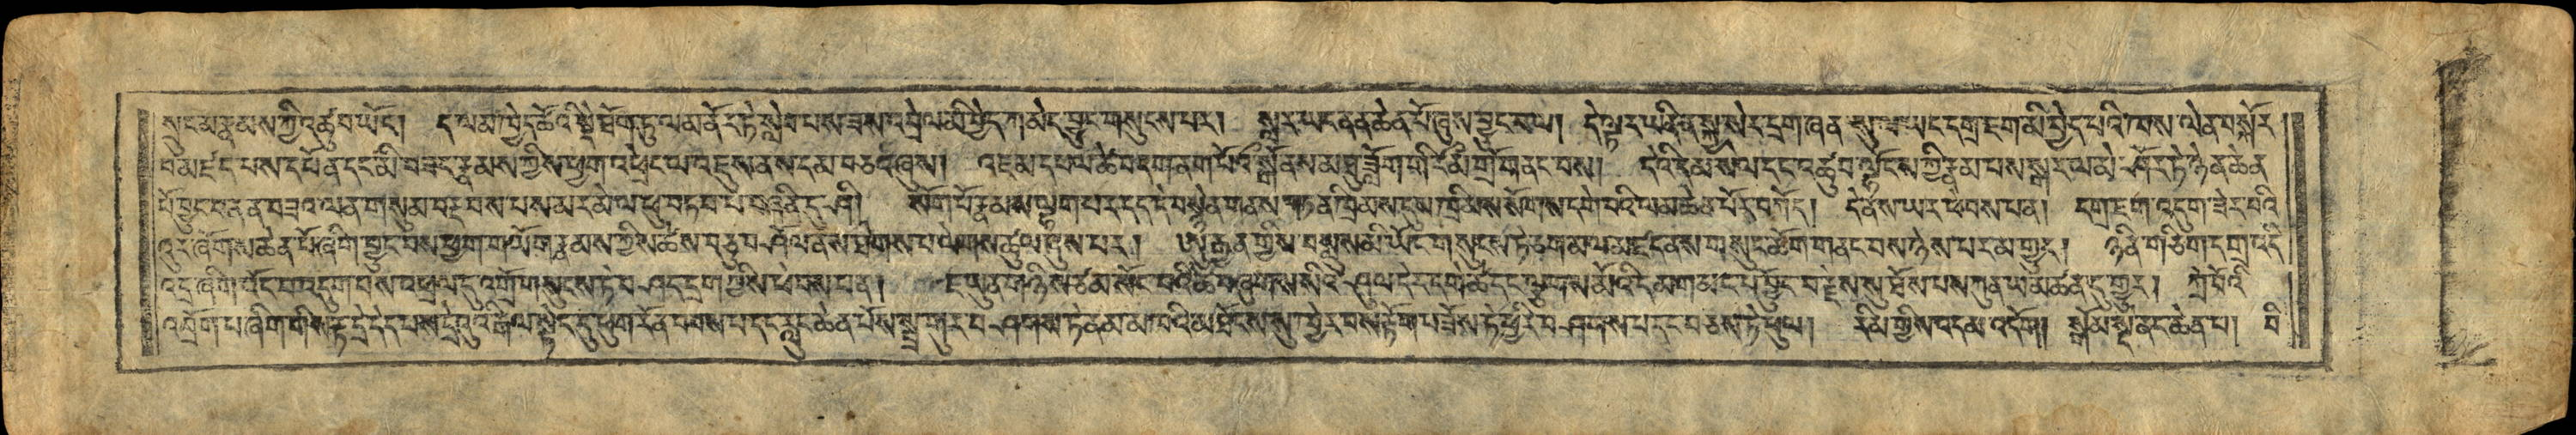སྲུང་མ་རྣམས་ཀྱི་འཚུབ་ཡོང་། ད་ལམ་ཁྱེད་ཚོའི་སྡེ་ཐོག་ཏུ་ལམ་ནོར་ཏེ་སླེབ་པས་ཟས་འབྲེལ་མི་བྱེད་ཀ་མེད་བྱུང་གསུངས་པར། སླར་ཡང་ནན་ཆེན་པོ་ཞུས་བྱུང་བ་ལ། དེ་ལྟར་ཡིན་ན་སྐྱ་སེར་དྲག་ཞན་སུ་ལ་ཡང་དགྲ་ཇག་མི་བྱེད་པའི་ཁས་ལེན་བསྐོར་
བ་མཛད་པས་དཔོན་དང་མི་བཟང་རྣམས་ཀྱིས་ཕྱག་འཕྲེང་ལ་འཇུས་ནས་དམ་བཅའ་ཞུས། འཇམ་དཔལ་ཚེ་བདག་ནག་པོཨཱྀ་སྒོ་ནས་མཐུ་ཟློག་གི་རྀམ་གྲོ་གནང་བས། དེའི་དམ་སེལ་དང་འཚུབ་ལྷོངས་ཀྱི་རྣམ་པས་སྒར་ལ་མེ་ཤོར་ཏེ་ཉེན་ཆེན་
པོ་བྱུང་བར་ན་བཟའ་ལན་གསུམ་བརྡབས་པས་མར་མེ་ལ་ཕུ་བཏབ་པ་བཞིན་དུ་ཤི། སོག་པོ་རྣམས་ལྷག་པར་དད་དེ་བསྙེན་གནས་གཏན་ཁྲིམས་དུས་ཁྲིམས་སོགས་དགེ་བའི་ལམ་ཆེན་པོར་བཀོད། དེ་ནས་ཡར་ཕེབས་པ་ན། དགྲ་ཇག་འདུག་ཟར་བའི་
འུར་ཞོགས་ཆེན་པོ་ཞིག་བྱུང་བས་ཕྱག་གཡོག་རྣམས་ཀྱིས་ཚེས་བཅུ་བཤོལ་ནས་ཐེགས་པ་ལེགས་ཚུལ་ཞུས་པར། ཨུ་རྒྱན་གྱིས་བསླུས་མི་ཡོང་གསུངས་ཏེ་ཅག་མལ་མཛད་ནས་གསུང་ཆོག་གནང་བས་ཉེས་པར་མ་གྱུར། ཉིན་གཅིག་དགྲ་འདི་
འདྲ་ཞིག་འོང་བ་འདུག་པས་འཕྲལ་དུ་འགྲོ་གསུངས་ཏེ་བཤད་དྲག་ཀྱིས་ཕེབས་པ་ན། ཇ་ཡུན་གཉིས་ཙམ་སོང་བའི་ཚེ་བཞུགས་སའི་ཤུལ་དེར་དགེ་ཚེ་དང་ལྕགས་མོའི་དམག་མང་པོ་བྱུང་བ་རྗེས་སུ་ཐོས་པས་ཀུན་ཡ་མཚན་དུ་གྱུར། ཀྲེ་བོའི་
འབྲོག་པ་ཞིག་གིས་རྟ་དྲེ་དེད་པས་དྲེའུའི་རྒལ་སྟང་དུ་ཕུག་རོན་བབས་པ་དང་རླུང་ཆེན་པོས་སྦྲ་གུར་བཤགས་ཏེ་ནམ་མཁའི་མཐོངས་སུ་ཁྱེར་བས་རྟོག་པ་ཟོས་ཏེ་ཕྱིར་བཤགས་པ་དང་བཅས་ཏེ་ཕུལ། རིམ་གྱིས་འདམ་འདོག། སྒོམ་སྔེ་ནང་ཆེན་པ། བི་